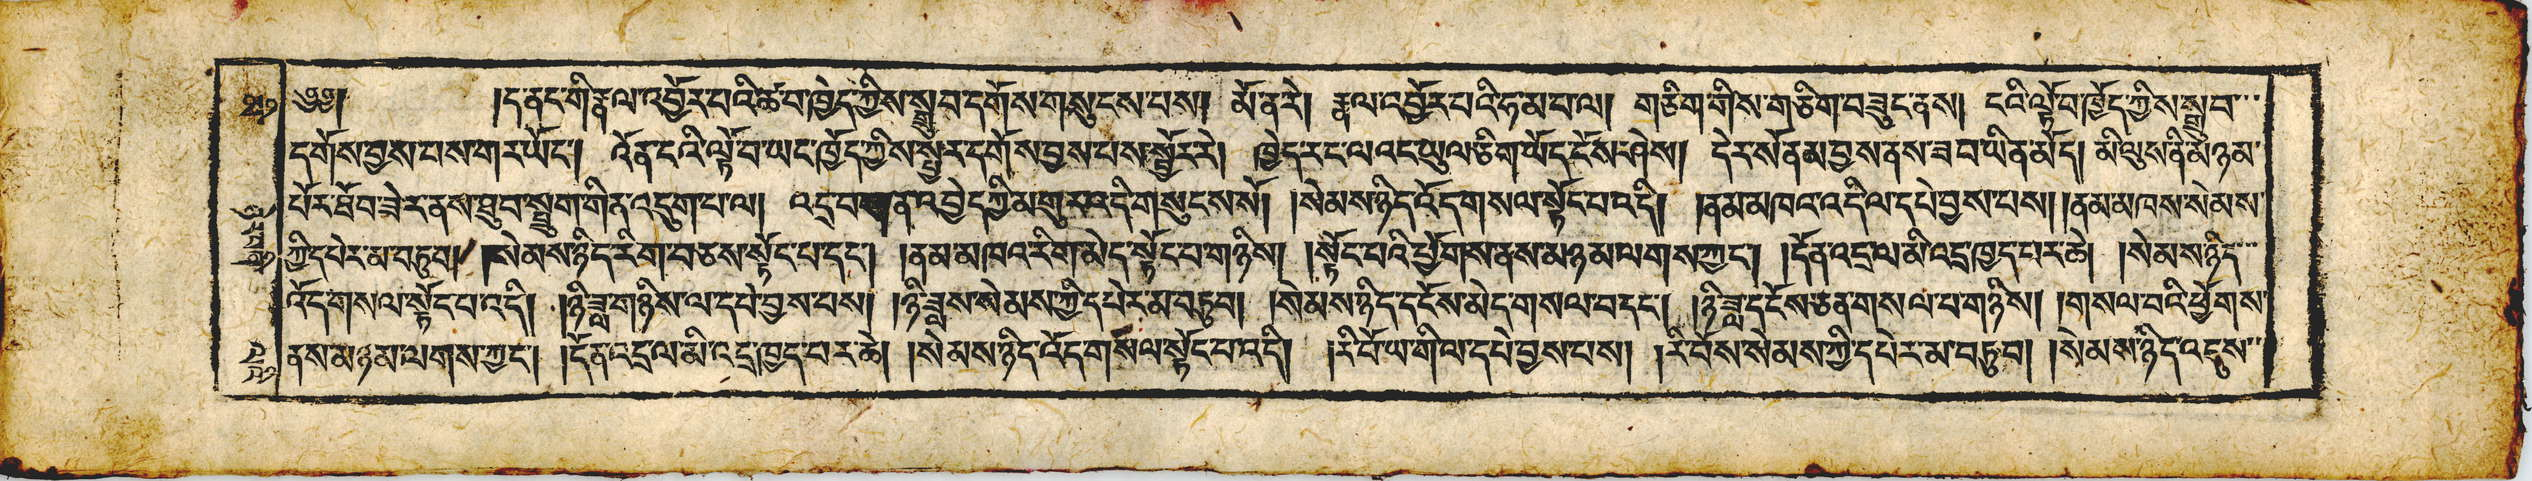ད་ནང་གི་རྣལ་འབྱོར་བའི་ཚ་བ་ཁྱེད་ཀྱིས་སྒྲུབ་དགོས་གསུངས་པས། མོ་ན་རེ། རྣལ་འབྱོར་པའི་ཧམ་པ་ལ། གཅིག་གིས་གཅིག་བཟུང་ནས། ངའི་ལྟོ་བ་ཁྱོད་ཀྱིས་བསྒྲུབ་
དགོས་བྱས་བས་གར་ཡོང་། འོ་ན་ངའི་ལྟོ་བ་ཡང་ཁྱོད་ཀྱིས་སྦྱར་དགོས་བྱས་པས་སྦྱོར་རེ། ཁྱེད་རང་ལའང་ཡུལ་ཅིག་ཡོད་ངོས་ཤེས། དེར་སོ་ནམ་བྱས་ནས་ཟ་བ་ཡིན་མོད། མི་ལུས་ནི་མཉམ་
པོར་ཐོབ་ཟེར་ནས་ཐུ་བ་སྤྲུག་གིན་འདུག་པ་ལ། འདྲ་པ་ཤན་འབྱེད་ཀྱི་མགུར་འདི་གསུངས་སོ། །སེམས་ཉིད་འོད་གསལ་སྟོང་བ་འདི། །ནམམཁའ་འདི་ལ་དཔེ་བྱས་པས། །ནམ་མཁས་སེམས་
ཀྱི་དཔེར་མ་བཏུབ། །སེམས་ཉིད་རིག་བཅས་སྟོང་པ་དང་། །ནམ་མཁའ་རིག་མེད་སྟོང་པ་གཉིས། །སྟོང་པའི་ཕྱོགས་ནས་མཉམ་ལགས་ཀྱང་། །དོན་འདྲ་ལ་མི་འདྲ་ཁྱད་པར་ཆེ། །སེམས་ཉིད་
འོད་གསལ་སྟོང་པ་འདི། །ཉི་ཟླ་གཉིས་ལ་དཔེ་བྱས་པས། །ཉི་ཟླས་སེམས་ཀྱི་དཔེར་མ་བཏུབ། །སེམས་ཉིད་དངོས་མེད་གསལ་བ་དང་། །ཉི་ཟླ་དངོས་ཅན་གསལ་བ་གཉིས། །གསལ་བའི་ཕྱོགས་
ནས་མཉམ་ལགས་ཀྱང་། །དོན་འདྲ་ལ་མི་འདྲ་ཁྱད་པར་ཆེ། །སེམས་ཉིད་འོད་གསལ་སྟོང་པ་འདི། །རི་བོ་ཡ་གི་ལ་དཔེ་བྱས་པས། །རི་བོས་སེམས་ཀྱི་དཔེར་མ་བཏུབ། །སེམས་ཉིད་འདུས་